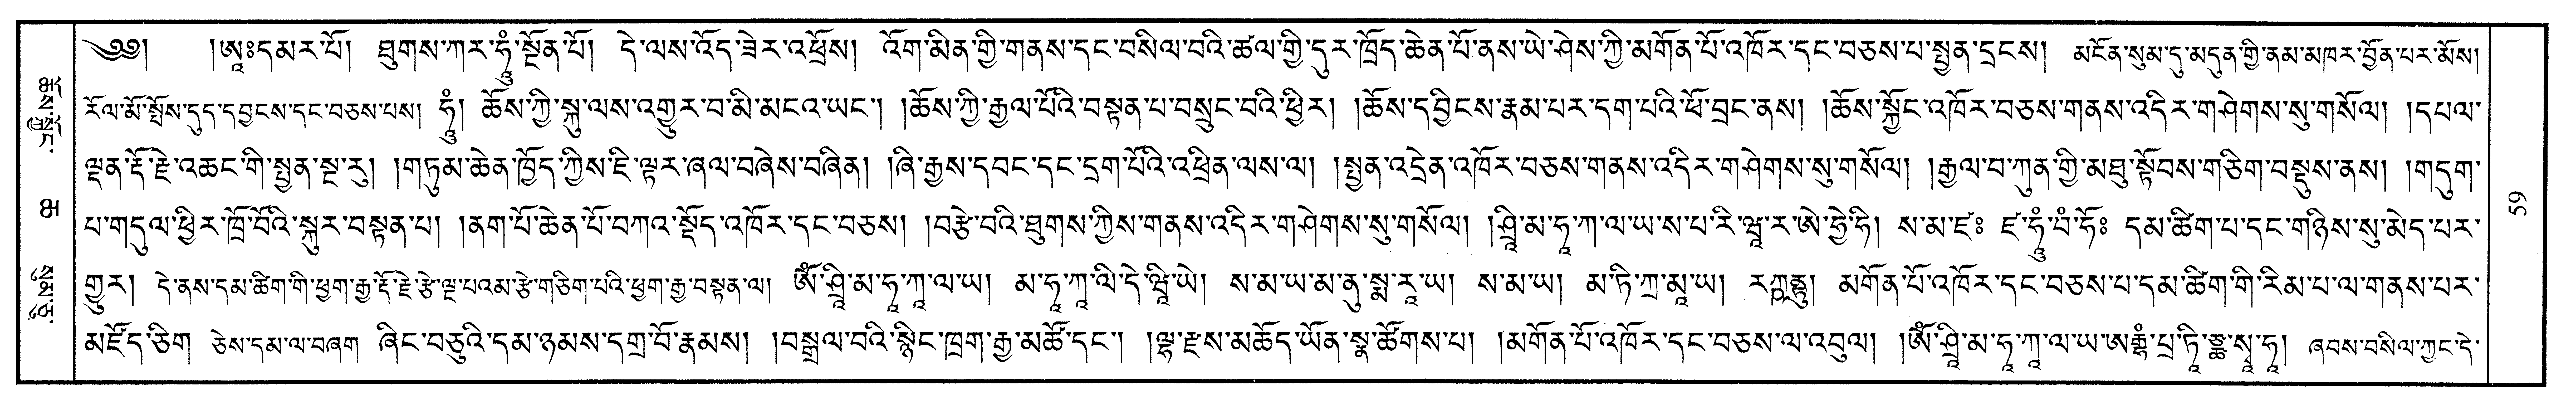༄༅། །ཨཱཿ དམར་པོ། ཐུགས་ཀར་ཧཱུཾ་སྔོན་པོ། དེ་ལས་འོད་ཟེར་འཕྲོས། འོག་མིན་གྱི་གནས་དང་བསིལ་བའི་ཚལ་གྱི་དུར་ཁྲོད་ཆེན་པོ་ནས་ཡེ་ཤེས་ཀྱི་མགོན་པོ་འཁོར་དང་བཅས་པ་སྤྱན་དྲངས། མངོན་སུམ་དུ་མདུན་གྱི་ནམ་མཁར་བྱོན་པར་མོས།
རོལ་མོ་སྤོས་དུད་དབྱངས་དང་བཅས་པས། ཧཱུཾ། ཆོས་ཀྱི་སྐུ་ལས་འགྱུར་བ་མི་མངའ་ཡང་། །ཆོས་ཀྱི་རྒྱལ་པོའི་བསྟན་པ་བསྲུང་བའི་ཕྱིར། །ཆོས་དབྱིངས་རྣམ་པར་དག་པའི་ཕོ་བྲང་ནས། །ཆོས་སྐྱོང་འཁོར་བཅས་གནས་འདིར་གཤེགས་སུ་གསོལ། །དཔལ་
ལྡན་རྡོ་རྗེ་འཆང་གི་སྤྱན་སྔ་རུ། །གཏུམ་ཆེན་ཁྱོད་ཀྱིས་ཇི་ལྟར་ཞལ་བཞེས་བཞིན། །ཞི་རྒྱས་དབང་དང་དྲག་པོའི་འཕྲིན་ལས་ལ། །སྤྱན་འདྲེན་འཁོར་བཅས་གནས་འདིར་གཤེགས་སུ་གསོལ། །རྒྱལ་བ་ཀུན་གྱི་མཐུ་སྟོབས་གཅིག་བསྡུས་ནས། །གདུག་
པ་གདུལ་ཕྱིར་ཁྲོ་བོའི་སྐུར་བསྟན་པ། །ནག་པོ་ཆེན་པོ་བཀའ་སྡོད་འཁོར་དང་བཅས། །བརྩེ་བའི་ཐུགས་ཀྱིས་གནས་འདིར་གཤེགས་སུ་གསོལ། །ཤྲཱི་མ་ཧཱ་ཀ་ལ་ཡ་ས་པ་རི་ཝཱ་ར་ཨེ་ཧྱེ་ཧི། ས་མ་ཛཿ ཛ་ཧཱུཾ་བཾ་ཧོཿ དམ་ཚིག་པ་དང་གཉིས་སུ་མེད་པར་
གྱུར། དེ་ནས་དམ་ཚིག་གི་ཕྱག་རྒྱ་རྡོ་རྗེ་རྩེ་ལྔ་པའམ་རྩེ་གཅིག་པའི་ཕྱག་རྒྱ་བསྟན་ལ། ཨོཾ་ཤྲཱི་མ་ཧཱ་ཀཱ་ལ་ཡ། མ་ཧཱ་ཀཱ་ལི་དེ་ཝཱི་ཡེ། ས་མ་ཡ་མ་ནུ་སྨ་རཱ་ཡ། ས་མ་ཡ། མ་ཏི་ཀྲ་མཱ་ཡ། རཀྵཎྟུ། མགོན་པོ་འཁོར་དང་བཅས་པ་དམ་ཚིག་གི་རིམ་པ་ལ་གནས་པར་
མཛོད་ཅིག་ཅེས་དམ་ལ་བཞག་ཞིང་བཅུའི་དམ་ཉམས་དགྲ་བོ་རྣམས། །བསྒྲལ་བའི་སྙིང་ཁྲག་རྒྱ་མཚོ་དང་། །ལྷ་རྫས་མཆོད་ཡོན་སྣ་ཚོགས་པ། །མགོན་པོ་འཁོར་དང་བཅས་ལ་འབུལ། །ཨོཾ་ཤྲཱི་མ་ཧཱ་ཀཱ་ལ་ཡ་ཨརྒྷཾ་པྲ་ཏཱི་ཙྪ་སྭཱ་ཧཱ། ཞབས་བསིལ་ཀྱང་དེ་